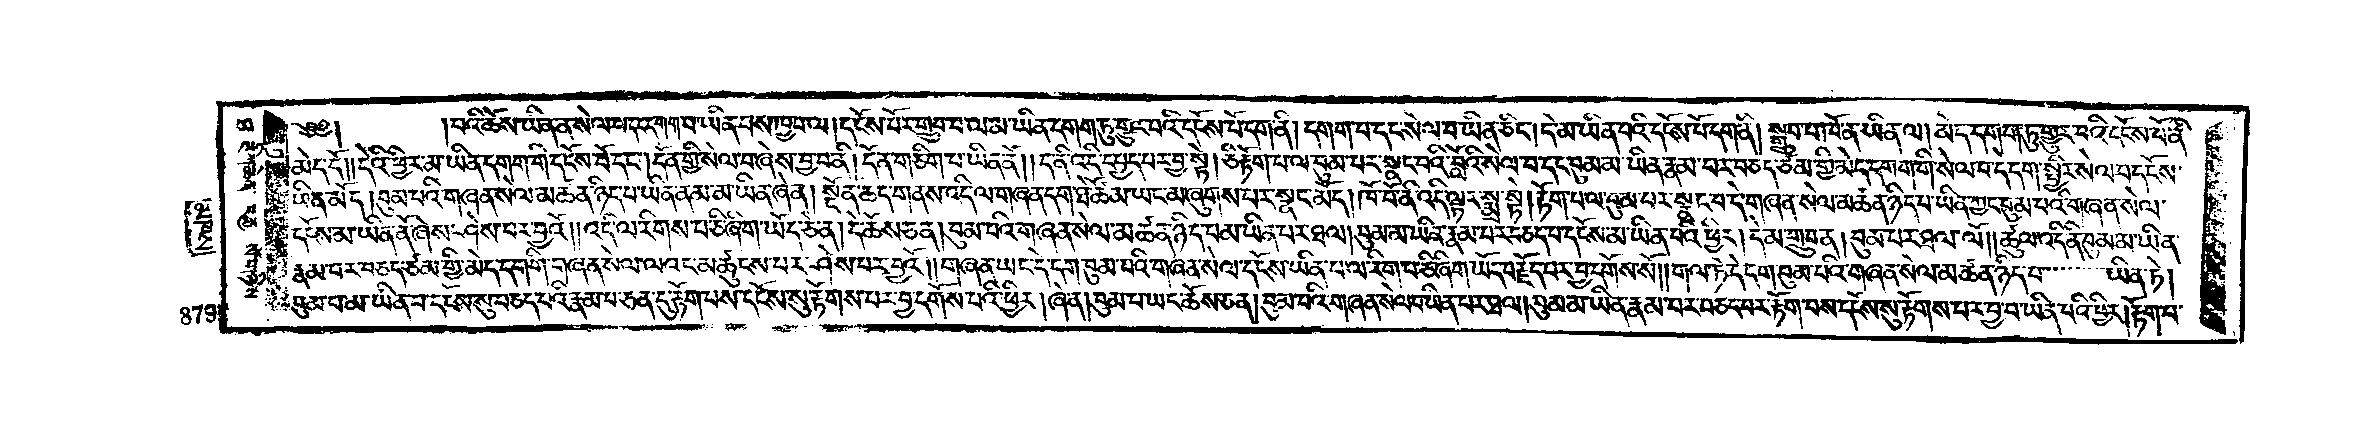༄༅། །བའི་ཆོས་ཡིན་ན་སེལ་བ་དང་དགག་པ་ཡིན་པས་ཁྱབ་ལ། དངོས་པོར་གྲུབ་པ་ལ་མ་ཡིན་དགག་ཏུ་གྱུར་བའི་དངོས་པོ་དག་ནི། དགག་པ་དང་སེལ་བ་ཡིན་ཅིང་། དེ་མ་ཡིན་པའི་དངོས་པོ་དག་ནི། སྒྲུབ་པ་ཁོ་ན་ཡིན་ལ། མེད་དགག་ཏུ་གྱུར་བའི་དངོས་པོ་ནི་
མེད་དོ། །དེའི་ཕྱིར་མ་ཡིན་དགག་གི་དངོས་པོ་དང་། དོན་གྱི་སེལ་བ་ཞེས་བྱ་བ་ནི། དོན་གཅིག་པ་ཡིན་ནོ། །ད་ནི་འདི་དཔྱད་པར་བྱ་སྟེ། ཅི་རྟོག་པ་ལ་བུམ་པར་སྣང་བའི་བློའི་སེལ་བ་དང་བུམ་མ་ཡིན་རྣམ་པར་བཅད་ཙམ་གྱི་མེད་དགག་གི་སེལ་བ་དེ་དག་སྤྱིར་སེལ་བ་དངོས་
ཡིན་མོད། བུམ་པའི་གཞན་སེལ་མཚན་ཉིད་པ་ཡིན་ནམ་མ་ཡིན་ཞེ་ན། སྔོན་ཆད་གནས་འདི་ལ་གཞན་དག་ཐེ་ཚོམ་ཡང་མ་ཞུགས་པར་སྣང་མོད། ཁོ་བོ་ནི་འདི་ལྟར་སྨྲ་སྟེ། རྟོག་པ་ལ་བུམ་པར་སྣང་བ་དེ་གཞན་སེལ་མཚན་ཉིད་པ་ཡིན་ཀྱང་བུམ་པའི་གཞན་སེལ་
དངོས་མ་ཡིན་ནོ་ཞེས་ཤེས་པར་བྱའོ། །འདི་ལ་རིགས་པ་ཅི་ཞིག་ཡོད་ཅེ་ན། དེ་ཆོས་ཅན། བུམ་པའི་གཞན་སེལ་མཚན་ཉིད་པ་མ་ཡིན་པར་ཐལ། བུམ་པ་ཡིན་རྣམ་པར་བཅད་པ་དངོས་མ་ཡིན་པའི་ཕྱིར། དེ་མ་གྲུབ་ན། བུམ་པར་ཐལ་ལོ། །ཚུལ་འདི་ནི་བུམ་མ་ཡིན་
རྣམ་པར་བཅད་ཙམ་གྱི་མེད་དགག་གི་གཞན་སེལ་ལའང་མཚུངས་པར་ཤེས་པར་བྱའོ། །གཞན་ཡང་དེ་དག་བུམ་པའི་གཞན་སེལ་དངོས་ཡིན་པ་ལ་རིག་པ་ཅི་ཞིག་ཡོད་བརྗོད་པར་བྱ་དགོས་སོ། །གལ་ཏེ་དེ་དག་བུམ་པའི་གཞན་སེལ་མཚན་ཉིད་པ་ཡིན་ཏེ།
བུམ་པ་མ་ཡིན་པ་དངོས་སུ་བཅད་པའི་རྣམ་པ་ཅན་དུ་རྟོག་པས་དངོས་སུ་རྟོགས་པར་བྱ་དགོས་པའི་ཕྱིར། ཞེ་ན། བུམ་པ་ཡང་ཆོས་ཅན། བུམ་པའི་གཞན་སེལ་བ་ཡིན་པར་ཐལ། བུམ་མ་ཡིན་རྣམ་པར་བཅད་པར་རྟོག་པས་དངོས་སུ་རྟོགས་པར་བྱ་བ་ཡིན་པའི་ཕྱིར། རྟོག་པ་